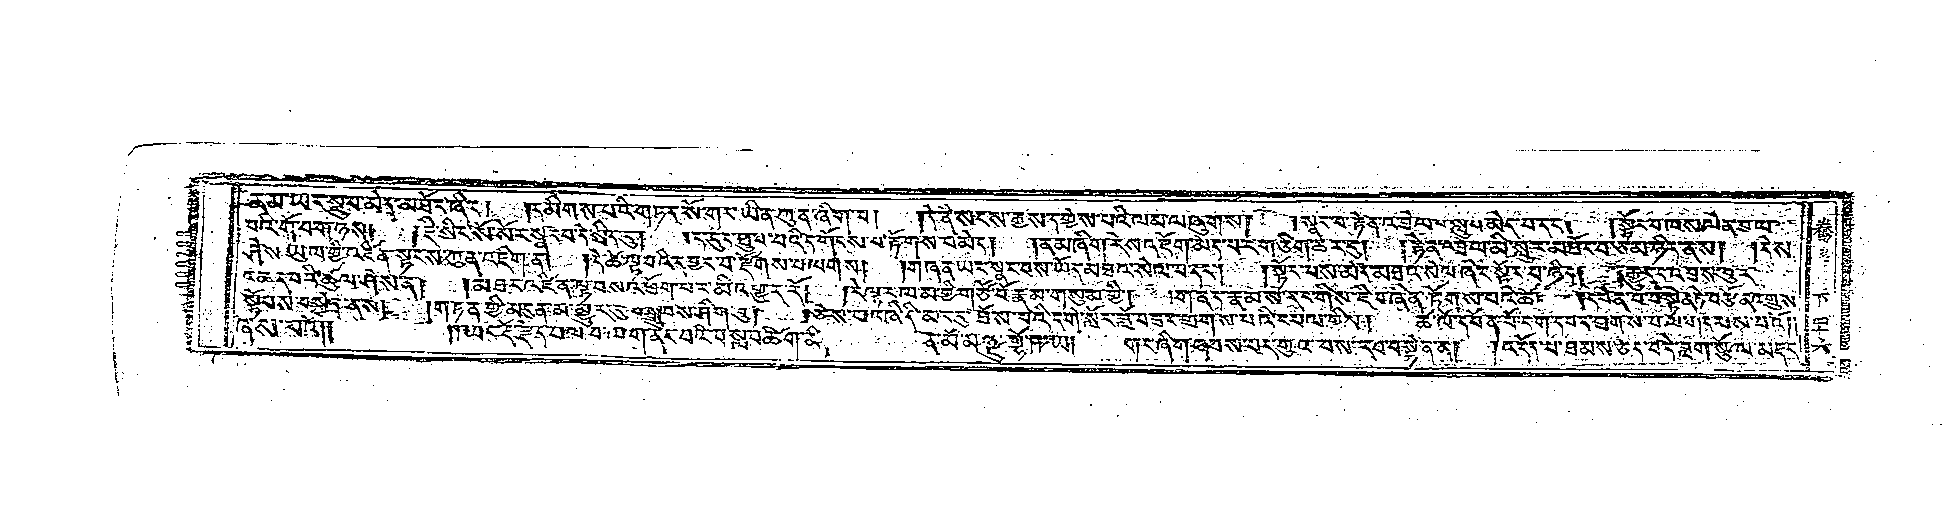ནམ་ཡང་སླུ་བ་མེད་མཐོང་ཞིང་། །དམིགས་པའི་གཏད་སོ་གང་ཡིན་ཀུན་ཞིག་པ། །དེ་ནི་སངས་རྒྱས་དགྱེས་པའི་ལམ་ལ་ཞུགས། །སྣང་བརྟེན་འབྲེལ་བསླུབ་མེད་པ་དང་། །སྟོང་པ་ཁས་ལེན་བྲལ་
པའི་གོ་བ་གཉིས། །ཇི་སྲིད་སོ་སོར་སྣང་བ་དེ་སྲིད་དུ། །ད་དུང་ཐུབ་པའི་དགོངས་པ་རྟོགས་བ་མེད། །ནམ་ཞིག་རེས་འཇོག་མེད་པར་གཅིག་ཆར་དུ། །རྟེན་འབྲལ་མི་སླུར་མཐོང་བ་ཙམ་ཉིད་ནས། །ངེས་
ཤ་ས་ཡུལ་གྱི་འཛིན་སྟངས་ཀུན་འཇིག་ན། །དེ་ཚེ་ལྟ་བའི་དཔྱད་པ་རྫོགས་པ་ལགས། །གཞན་ཡང་སྣང་བས་ཡོད་མཐའ་སླེས་བ་དང་། །སྟོང་པས་མེད་མཐའ་སེལ་ཞིང་སྟོང་བ་ཉིད། །རྒྱུ་དང་འབྲས་བུར་
འཆད་བའི་ཚུལ་ཤེས་ན། །མཐར་འཛིན་ལྟ་བས་འཕྲོག་པར་མི་འགྱུར་རོ། །དེ་ལྟར་ལམ་གྱི་གཙོ་བོ་རྣམ་གསུམ་གྱི། །གནད་རྣམས་རང་གིས་ཇི་བཞིན་རྟོགས་པའི་ཚེ། །དབེན་པ་བསྟེན་ཏེ་བརྩོན་འགྲུས་
སྟོབས་བསྐྱེད་ནས། །གཏན་གྱི་མདུན་མ་མྱུར་དུ་བསྒྲུབས་ཤིག་བུ། །ཅེས་པའི་ཞི་དི་མང་དུ་ཐོས་པའི་དགེ་སློང་བློ་བཟང་གྲགས་པའི་དཔལ་གྱིས། ཆ་ཁོ་དཔོན་པོ་ངག་དབང་གྲགས་པ་ལ་གདམས་པའོ།།
ཞེས་པའོ།། །།ཡང་རྡོ་རྗེ་དཔལ་བ་ལ་གནང་བའི་བསླབ་ཚིག་ནི། ན་མོ་མཉྫུ་གྷོ་ཥ་ཡ། གང་ཞིག་ཞབས་པད་གུས་པས་རབ་བསྟེན་ན། །འདོད་པ་ཐམས་ཅད་བདེ་བླག་སྩོལ་མཛད་